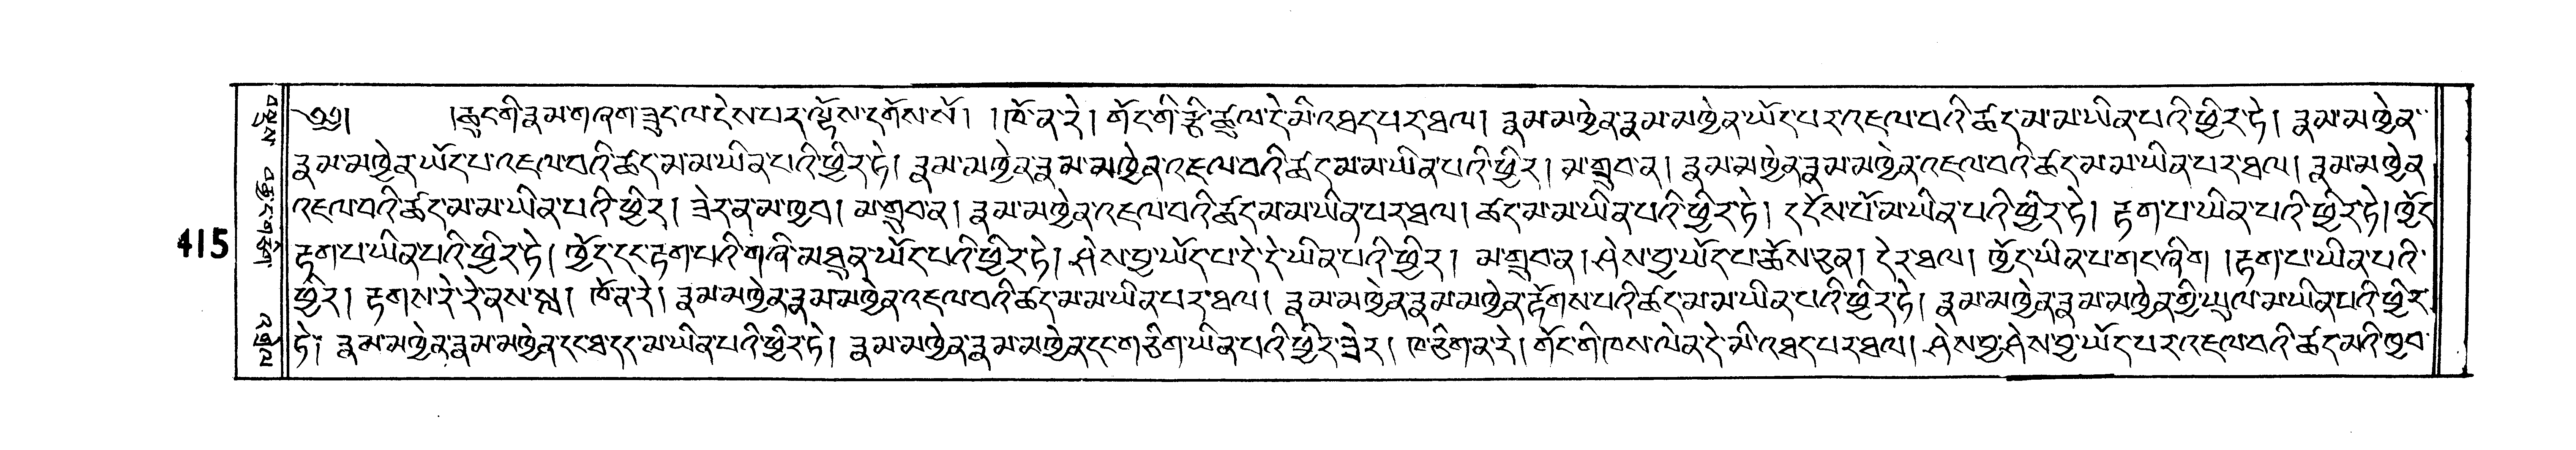༄༅། །ཆུང་གི་རྣམ་གཞག་ཟུང་ལ་ངེས་པར་ལྟོས་དགོས་སོ། །ཁོ་ན་རེ། གོང་གི་རྩི་ཚུལ་དེ་མི་འཐད་པར་ཐལ། རྣམ་མཁྱེན་རྣམ་མཁྱེན་ཡོད་པར་འཇལ་བའི་ཚད་མ་མ་ཡིན་པའི་ཕྱིར་ཏེ། རྣམ་མཁྱེན་
རྣམ་མཁྱེན་ཡོད་པ་འཇལ་བའི་ཚད་མ་མ་ཡིན་པའི་ཕྱིར་ཏེ། རྣམ་མཁྱེན་རྣམ་མཁྱེན་འཇལ་བའི་ཚད་མ་མ་ཡིན་པའི་ཕྱིར། མ་གྲུབ་ན། རྣམ་མཁྱེན་རྣམ་མཁྱེན་འཇལ་བ་འི་ཚད་མ་མ་ཡིན་པར་ཐལ། རྣམ་མཁྱེན་
འཇལ་བའི་ཚད་མ་མ་ཡིན་པའི་ཕྱིར། ཟེར་ན་མ་ཁྱབ། མ་གྲུབ་ན། རྣམ་མཁྱེན་འཇལ་བའི་ཚད་མ་མ་ཡིན་པར་ཐལ། ཚད་མ་མ་ཡིན་པའི་ཕྱིར་ཏེ། དངོས་པོ་མ་ཡིན་པའི་ཕྱིར་ཏེ། རྟག་པ་ཡིན་པའི་ཕྱིར་ཏེ། ཁྱོད་
རྟག་པ་ཡིན་པའི་ཕྱིར་ཏེ། ཁྱོད་དང་པའི་གཞི་མཐུན་ཡོད་པའི་ཕྱིར་ཏེ། ཤེས་བྱ་སྤྱོད་པ་དེ་དེ་ཡིན་པའི་ཕྱིར། མ་གྲུབ་ན། ཤེས་བྱ་ཡོད་པ་ཆོས་ཅན། དེར་ཐལ། ཁྱོད་ཡིན་པ་གང་ཞིག། རྟག་པ་ཡིན་པའི་
ཕྱིར། རྟགས་རེ་རེ་ནས་སླ། ཁོ་ན་རེ། རྣམ་མཁྱེན་རྣམ་མཁྱེན་འཇལ་པའི་ཚད་མ་མ་ཡིན་པར་ཐལ། རྣམ་མཁྱེན་རྣམ་མཁྱེན་རྟོག་པའི་ཚད་མ་མ་ཡིན་པའི་ཕྱིར་ཏེ། རྣམ་མཁྱེན་རྣམ་མཁྱེན་གྱི་ཡུལ་མ་ཡིན་པའི་ཕྱིར་
ཏེ༑ རྣམ་མཁྱེན་རྣམ་མཁྱེན་དང་ཐ་དད་མ་ཡིན་པའི་ཕྱིར་ཏེ། རྣམ་མཁྱེན་རྣམ་མཁྱེན་དང་གཅིག་ཡིན་པའི་ཕྱིར་ཟེར། ཁ་ཅིག་ན་རེ། གོང་གི་ཁས་ལེན་དེ་མི་འཐད་པར་ཐལ། ཤེས་བྱ་ཤེས་བྱ་ཡོད་པར་འཇལ་བའི་ཚད་མའི་ཁྱབ་